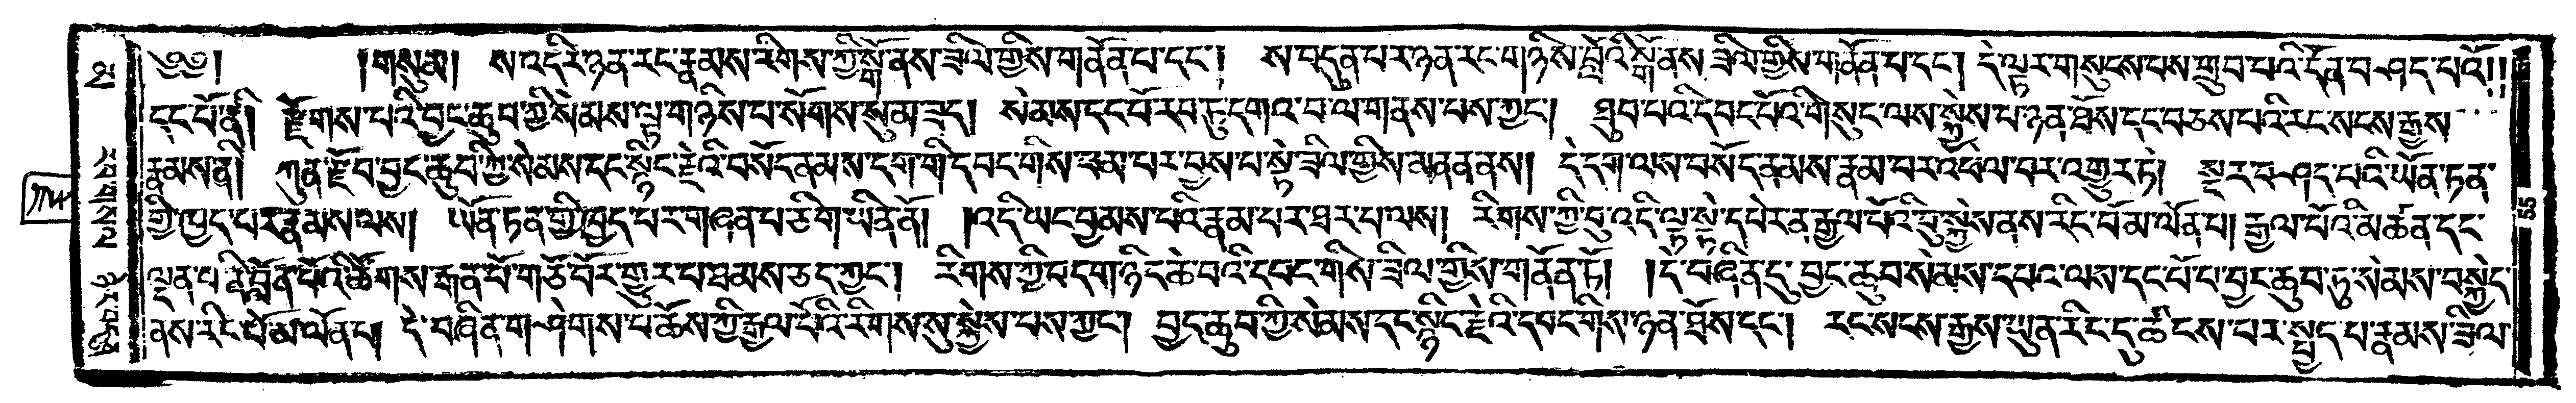༄༅། །གསུམ། ས་འདིར་ཉན་རང་རྣམས་རིགས་ཀྱི་སྒོ་ནས་ཟིལ་གྱིས་གནོན་པ་དང་། ས་བདུན་པར་ཉན་རང་གཉིས་བློའི་སྒོ་ནས་ཟིལ་གྱིས་གནོན་པ་དང་། དེ་ལྟར་གསུངས་པས་གྲུབ་པའི་དོན་བཤད་པའོ།།
དང་པོ་ནི། རྫོགས་པའི་བྱང་ཆུབ་ཀྱི་སེམས་ལྟ་གཉིས་པ་སོགས་སུ་མ་ཟད། སེམས་དང་པོ་རབ་ཏུ་དགའ་བ་ལ་གནས་པས་ཀྱང་། ཐུབ་པའི་དབང་པོའི་གསུང་ལས་སྐྱེས་པ་ཉན་ཐོས་དང་བཅས་པའི་རང་སངས་རྒྱས་
རྣམས་ནི། ཀུན་རྫོབ་བྱང་ཆུབ་ཀྱི་སེམས་དང་སྙིང་རྗེའི་བསོད་ནམས་དག་གི་དབང་གིས་ཕམ་པར་བྱས་པ་སྟེ་ཟིལ་གྱིས་མནན་ནས། དེ་དག་ལས་བསོད་ནམས་རྣམ་པར་འཕེལ་བར་འགྱུར་ཏེ། སྔར་བཤད་པའི་ཡོན་ཏན་
གྱི་ཁྱད་པར་རྣམས་ལས། ཡོན་ཏན་གྱི་ཁྱད་པར་གཞན་པ་ཅིག་ཡིན་ནོ། །འདི་ཡང་བྱམས་པའི་རྣམ་པར་ཐར་པ་ལས། རིགས་ཀྱི་བུ་འདི་ལྟ་སྟེ་དཔེར་ན་རྒྱལ་པོའི་བུ་སྐྱེས་ནས་རིང་པོ་མ་ལོན་པ། རྒྱལ་པོའི་མཚན་དང་
ལྡན་པ་ནི་བློན་པོའི་ཚོགས་རྒན་པོ་གཙོ་བོར་གྱུར་པ་ཐམས་ཅད་ཀྱང་། རིགས་ཀྱི་བདག་ཉིད་ཆེ་བའི་དབང་གིས་ཟིལ་གྱིས་གནོན་ཏོ། །དེ་བཞིན་དུ་བྱང་ཆུབ་སེམས་དཔའ་ལས་དང་པོ་པ་བྱང་ཆུབ་ཏུ་སེམས་བསྐྱེད་
ནས་རིང་པོ་མ་ལོན་པ། དེ་བཞིན་གཤེགས་པ་ཆོས་ཀྱི་རྒྱལ་པོའི་རིགས་སུ་སྐྱེས་པས་ཀྱང་། བྱང་ཆུབ་ཀྱི་སེམས་དང་སྙིང་རྗེའི་དབང་གིས་ཉན་ཐོས་དང་། རང་སངས་རྒྱས་ཡུན་རིང་དུ་ཚངས་པར་སྤྱད་པ་རྣམས་ཟིལ་